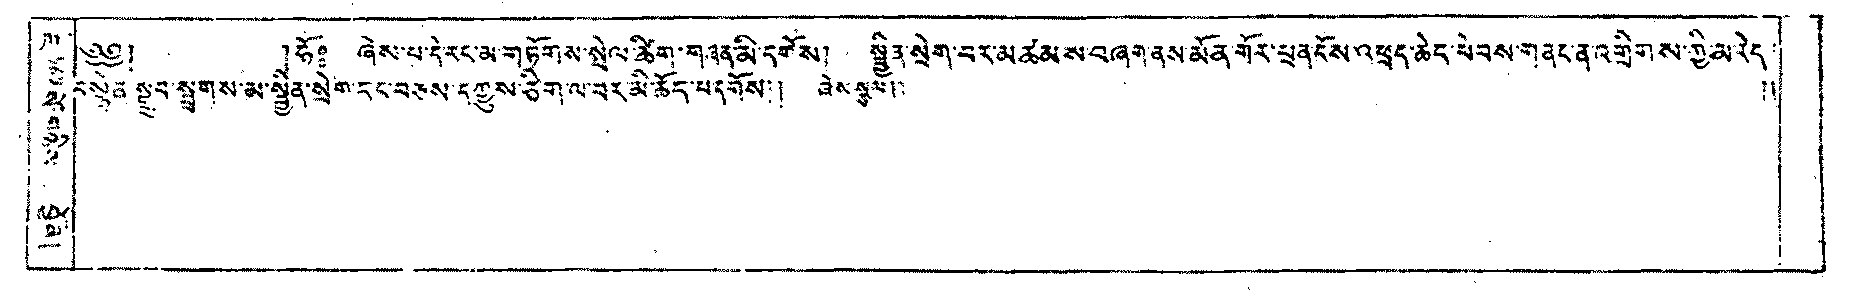༄༅། །ཧོཿ ཞེས་པ་དེ་རང་མ་གཏོགས་སྤེལ་ཚིག་གཞན་མི་དགོས། སྦྱིན་སྲེག་བར་མཚམས་བཞག་ནས་མོན་གོར་པྲན་ངོས་འཕྲད་ཆེད་ཕེབས་གནང་ན་འགྲིགས་ཀྱི་མ་རེད།
བསྙེན་སྒྲུབ་སྦྲགས་མ་སྦྱིན་སྲེག་དང་བཅས་དཀྱུས་ཅིག་ལ་བར་མི་ཆོད་པ་དགོས།། ཞེས་སྩལ།། །།